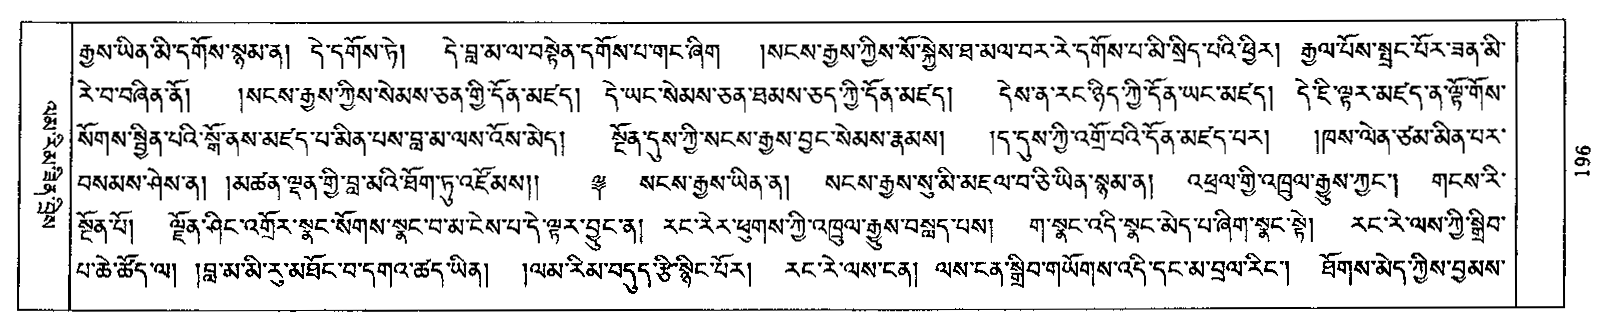རྒྱས་ཡིན་མི་དགོས་སྙམ་ན། དེ་དགོས་ཏེ། དེ་བླ་མ་ལ་བསྟེན་དགོས་པ་གང་ཞིག །སངས་རྒྱས་ཀྱིས་སོ་སྐྱེས་ཐ་མལ་བར་རེ་དགོས་པ་མི་སྲིད་པའི་ཕྱིར། རྒྱལ་པོས་སྤྲང་པོར་ཟན་མི་
རེ་བ་བཞིན་ནོ། །སངས་རྒྱས་ཀྱིས་སེམས་ཅན་གྱི་དོན་མཛད། དེ་ཡང་སེམས་ཅན་ཐམས་ཅད་ཀྱི་དོན་མཛད། དེས་ན་རང་ཉིད་ཀྱི་དོན་ཡང་མཛད། དེ་ཇི་ལྟར་མཛད་ན་ལྟོ་གོས་
སོགས་སྦྱིན་པའི་སྒོ་ནས་མཛད་པ་མིན་པས་བླ་མ་ལས་འོས་མེད། སྔོན་དུས་ཀྱི་སངས་རྒྱས་བྱང་སེམས་རྣམས། །ད་དུས་ཀྱི་འགྲོ་བའི་དོན་མཛད་པར། །ཁས་ལེན་ཙམ་མིན་པར་
བསམས་ཤེས་ན། །མཚན་ལྡན་གྱི་བླ་མའི་ཐོག་ཏུ་འཛོམས།། ༈ སངས་རྒྱས་ཡིན་ན། སངས་རྒྱས་སུ་མི་མཇལ་བ་ཅི་ཡིན་སྙམ་ན། འཕྲལ་གྱི་འཁྲུལ་རྒྱུས་ཀྱང་། གངས་རི་
སྔོན་པོ། ལྗོན་ཤིང་འགྲོར་སྣང་སོགས་སྣང་བ་མ་ངེས་པ་དེ་ལྟར་བྱུང་ན། རང་རེར་ཕུགས་ཀྱི་འཁྲུལ་རྒྱུས་བསླད་པས། ག་སྣང་འདི་སྣང་མེད་པ་ཞིག་སྣང་སྟེ། རང་རེ་ལས་ཀྱི་སྒྲིབ་
པ་ཆེ་ཚོད་ལ། །བླ་མ་མི་རུ་མཐོང་བ་དགའ་ཚད་ཡིན། །ལམ་རིམ་བདུད་རྩི་སྙིང་པོར། རང་རེ་ལས་ངན། ལས་ངན་སྒྲིབ་གཡོགས་འདི་དང་མ་བྲལ་རིང་། ཐོགས་མེད་ཀྱིས་བྱམས་